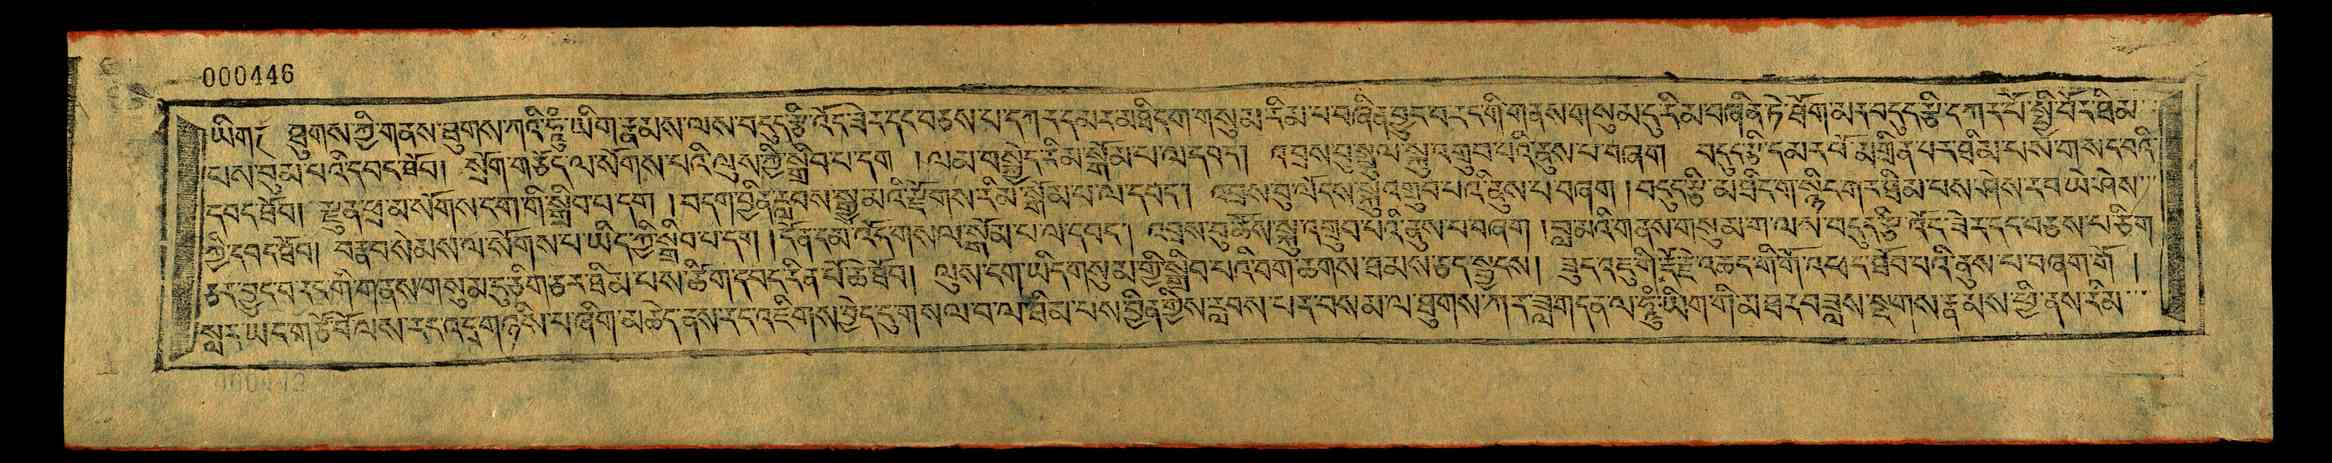ཡིག༑ ཐུགས་ཀྱི་གནས་ཐུགས་ཀའི་ཧཱུཾ་ཡིག་རྣམས་ལས་བདུད་རྩི་འོད་ཟེར་དང་བཅས་པ་དཀར་དམར་མཐིང་ག་གསུམ་རིམ་པ་བཞིན་བྱུང་བ་རང་གི་གནས་གསུམ་དུ་རིམ་བཞིན་ཏེ་ཐོག་མར་བདུད་རྩི་དཀར་པོ་སྤྱི་བོར་ཐིམ་
པས་བུམ་པའི་དབང་ཐོབ། སྲོག་གཅོད་ལ་སོགས་པའི་ལུས་ཀྱི་སྒྲིབ་པ་དག །ལམ་བསྐྱེད་རིམ་སྒོམ་པ་ལ་དབང་། འབྲས་བུ་སྤྲུལ་སྐུ་འགྲུབ་པའི་ནུས་པ་བཞག །བདུད་རྩི་དམར་པོ་མགྲིན་པར་ཐིམ་པས་གསང་བའི་
དབང་ཐོབ། རྫུན་ཕྲ་མ་སོགས་ངག་གི་སྒྲིབ་པ་དག །བདག་བྱིན་རླབས་སྒྱུ་མའི་རྫོགས་རིམ་སྒོམ་པ་ལ་དབང་། འབྲས་བུ་ལོངས་སྐུ་འགྲུབ་པའི་ནུས་པ་བཞག །བདུད་རྩི་མཐིང་ག་སྙིང་གར་ཐིམ་པས་ཤེས་རབ་ཡེ་ཤེས་
ཀྱི་དབང་ཐོབ། བརྣབ་སེམས་ལ་སོགས་པ་ཡིད་ཀྱི་སྒྲིབ་པ་དག །དོན་དམ་འོད་གསལ་སྒོམ་པ་ལ་དབང་། འབྲས་བུ་ཆོས་སྐུ་འགྲུབ་པའི་ནུས་པ་བཞག །བླ་མའི་གནས་གསུམ་ག་ལས་བདུད་རྩི་འོད་ཟེར་དང་བཅས་པ་ཅིག་
ཅར་བྱུང་བ་རང་གི་གནས་གསུམ་དུ་ཅིག་ཅར་ཐིམ་པས་ཚིག་དབང་རིན་པོ་ཆེ་ཐོབ། ལུས་ངག་ཡིད་གསུམ་གྱི་སྒྲིབ་པའི་བག་ཆགས་ཐམས་ཅད་སྦྱངས། ཟུང་འཇུག་རྡོ་རྗེ་འཆང་གི་གོ་འཕང་ཐོབ་པའི་ནུས་པ་བཞག་གོ །
སླར་ཡང་གཙོ་བོ་ལས་རང་འདྲ་གཉིས་པ་ཞིག་མཆེད་ནས་རང་འཇིགས་བྱེད་དུ་གསལ་བ་ལ་ཐིམ་པས་བྱིན་གྱིས་རླབས་པར་བསམ་ལ་ཐུགས་ཀར་ཟླ་གདན་ལ་ཧཱུཾ་ཡིག་གི་མཐར་བཟླས་སྔགས་རྣམས་ཕྱི་ནས་རིམ་